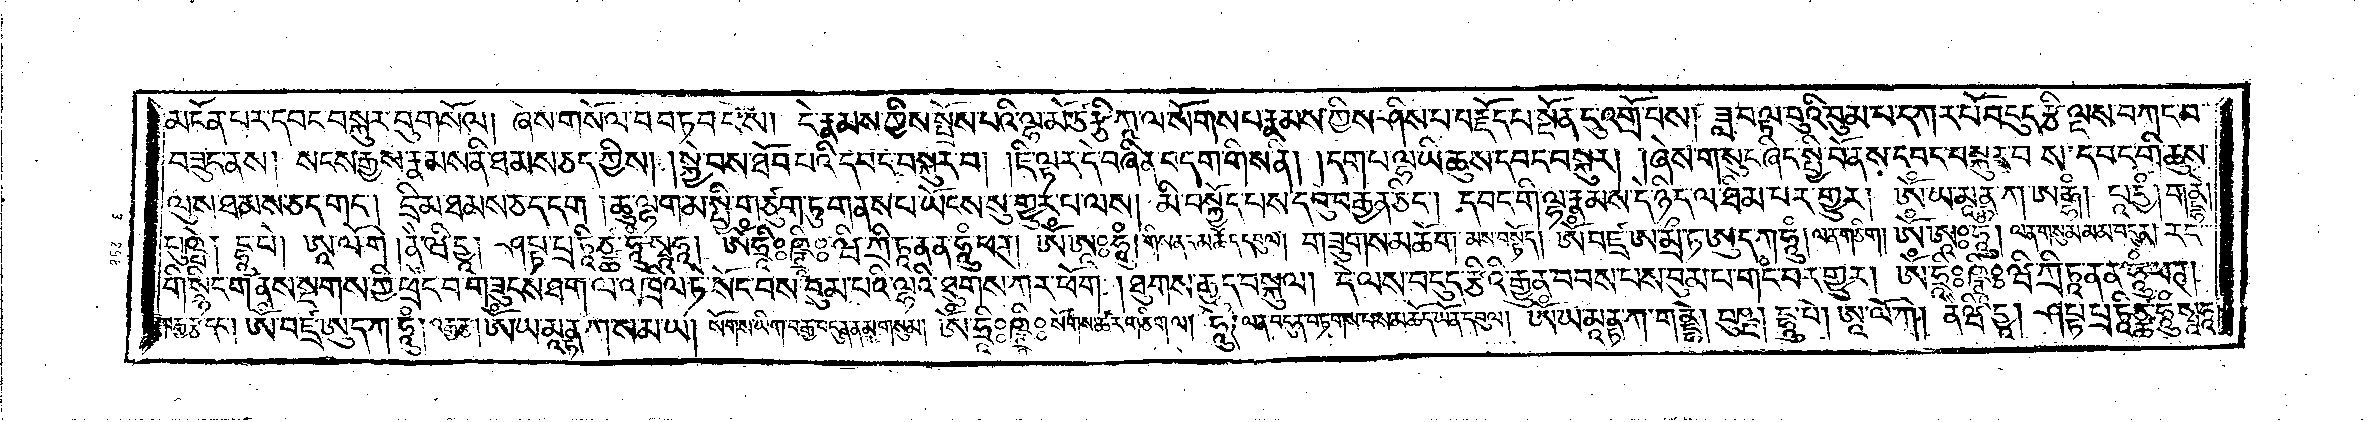མངོན་པར་དབང་བསྐུར་བུ་གསོལ། ཞེས་གསོལ་བ་བཏབ་པས། དེ་རྣམས་ཀྱིས་སྤྲོས་པའི་ལྷ་མོ་ཙ་རྩི་ཀཱ་ལ་སོགས་པ་རྣམས་ཀྱིས་ཤིས་པ་བརྗོད་པ་སྔོན་དུ་འགྲོ་པས། ཟླ་བ་ལྟ་བུའི་བུམ་པ་དཀར་པོ་བདུད་རྩི་ལྔས་བཀང་མ་
བཟུང་ནས། སངས་རྒྱས་རྣམས་ནི་ཐམས་ཅད་ཀྱིས། །སྐྱེ་བས་ཐོབ་པའི་དབང་བསྐུར་བ། །ཇི་ལྟར་དེ་བཞིན་བདག་གིས་ནི། །དག་པ་ལྷ་ཡི་ཆུས་དབང་བསྐུར། །ཞེས་གསུང་ཤིང་སྤྱི་བོ་ནས་དབང་བསྐུར་བས་དབང་གི་ཆུས་
ལུས་ཐམས་ཅད་གང་། དྲི་མ་ཐམས་ཅད་དག །ཆུ་ལྷག་མ་སྤྱི་གཙུག་ཏུ་གནས་པ་ཡོངས་སུ་གྱུར་པ་ལས། མི་བསྐྱོད་པས་དབུ་བརྒྱན་ཅིང་། དབང་གི་ལྷ་རྣམས་དེ་ཉིད་ལ་ཐིམ་པར་གྱུར། ཨོཾ་ཡ་མཱནྟ་ཀ་ཨརྒྷཾ། པཱདྱཾ། གནྡྷེ།
པུཥྤེ། དྷཱུ་པེ། ཨཱ་ལོ་གེ། ནཻ་ཝི་དྱཱ། ཤཔྟ་པྲ་ཏཱི་ཙྪ་ཧཱུཾ་སྭ་ཧཱ། ཨོཾ་ཧྲཱིཿཥྚྲཱིཿཝི་ཀྲི་ཏཱ་ན་ན་ཧཱུཾ་ཕཌ། ཨོཾ་ཨཱཿཧཱུཾ། གིས་ནང་མཆོད་དབུལ།  གཟུགས་མཆོག ། མས་བསྟོད།  ཨོཾ་བཛྲ་ཨ་མྲི་ཏ་ཨུ་ད་ཀ་ཧཱུཾ། ལན་གཅིག །  ཨོཾ་ཨཱཿཧཱུཾ། ལན་གསུམ་མམ་བདུན།  རང་
གི་སྙིང་གནས་སྔགས་ཀྱི་ཕྲེང་བ་གཟུངས་ཐག་པའི་ཁྲིལ་ཏེ་སོང་བས་བུམ་པའི་ལྷའི་ཐུགས་ཀར་ཕོག །ཐུགས་རྒྱད་བསྐུལ། དེ་ལས་བདུད་རྩིའི་རྒྱུན་བབས་པས་བུམ་པ་གང་བར་གྱུར། ཨོཾ་ཧྲཱིཿཥྚྲཱིཿཝི་ཀྲི་ཏཱ་ན་ན་ཧཱུཾ་ཕཌ།
བརྒྱ་རྩ་དང་།  ཨོཾ་བཛྲ་ཨུ་ད་ཀ་ཧཱུཾ། བརྒྱ་རྩ།  ཨོཾ་ཡ་མཱནྟ་ཀ་ས་མ་ཡ། སོགས་ཡིག་བརྒྱ་བདུན་ནམ་གསུམ།  ཨོཾ་ཧྲཱིཿཥྚྲཱིཿསོགས་ཚར་གཅིག་ལ།  ཧཱུཾ༑ ལན་བདུན་བཏགས་པས་མཆོད་ཡོན་དབུལ།  ཨོཾ་ཡ་མཱནྟ་ཀ་གནྡྷེ། པཥྤེ། དྷཱུ་པེ། ཨཱ་ལོ་ཀེ། ནེ་ཝི་དྱཱ། ཤཔྟ་པྲ་ཏཱི་ཙྪ་ཧཱུཾ་སྭཱཧཱ།